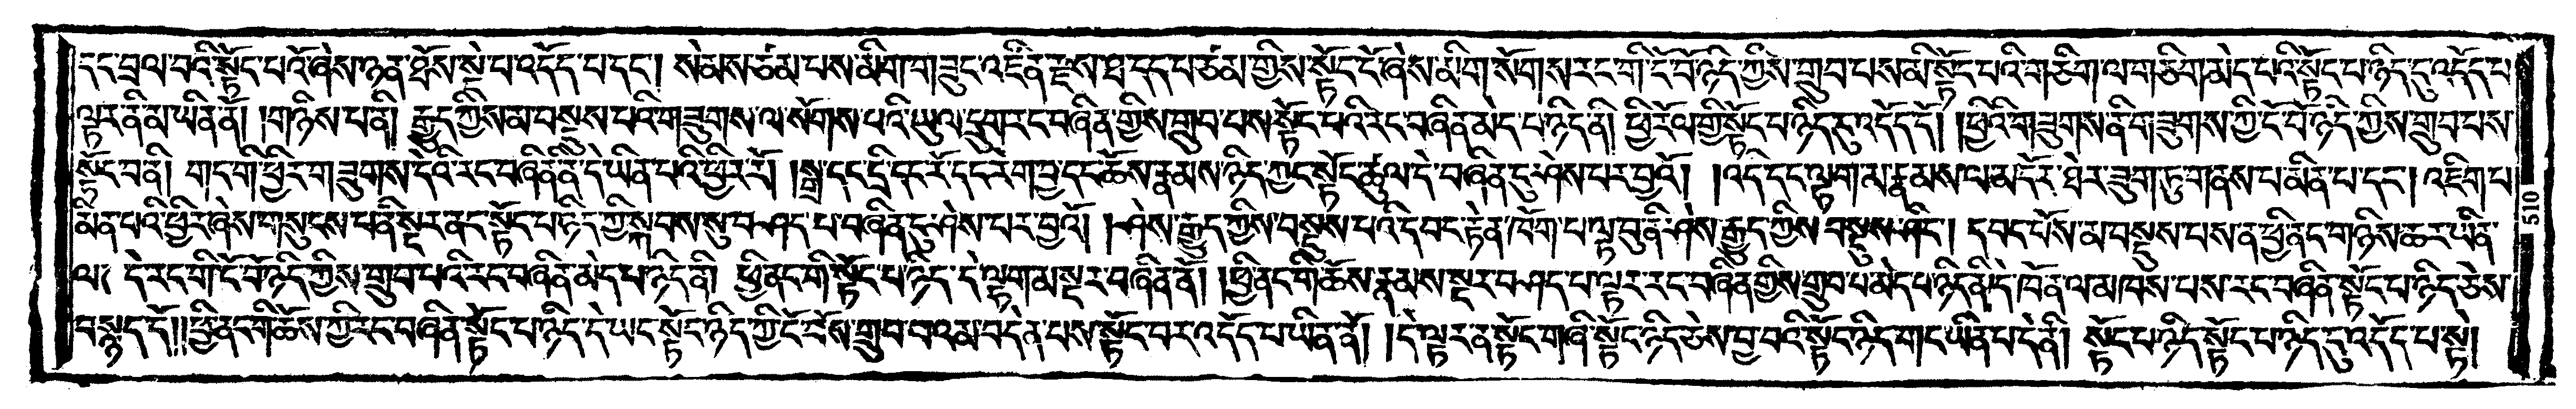དང་བྲལ་བའི་སྟོང་པའོ་ཞེས་ཉན་ཐོས་སྡེ་པ་འདོད་པ་དང་། སེམས་ཙམ་པས་མིག་གཟུང་འཛིན་རྫས་ཐ་དད་པ་ཙམ་གྱིས་སྟོང་ངོ་ཞེས་མིག་སོགས་རང་གི་ངོ་བོ་ཉིད་ཀྱིས་གྲུབ་པས་མི་སྟོང་པའི་གཅིག་ལ་གཅིག་མེད་པའི་སྟོང་པ་ཉིད་དུ་འདོད་པ་
ལྟར་ནི་མ་ཡིན་ནོ། །གཉིས་པ་ནི། རྒྱུད་ཀྱིས་མ་བསྡུས་པའི་གཟུགས་ལ་སོགས་པའི་ཡུལ་དྲུག་རང་བཞིན་གྱིས་གྲུབ་པས་སྟོང་པའི་རང་བཞིན་མེད་པ་ཉིད་ནི། ཕྱི་རོལ་གྱི་སྟོང་པ་ཉིད་དུ་འདོད་དོ། །ཕྱིའི་གཟུགས་ནི་གཟུགས་ཀྱི་ངོ་བོ་ཉིད་ཀྱིས་གྲུབ་པས་
སྟོང་པ་ནི། གང་གི་ཕྱིར་གཟུགས་དེའི་རང་བཞིན་ནི་དེ་ཡིན་པའི་ཕྱིར་རོ། །སྒྲ་དང་དྲི་དང་རོ་དང་རེག་བྱ་དང་ཆོས་རྣམས་ཉིད་ཀྱང་སྟོང་ཚུལ་དེ་བཞིན་དུ་ཤེས་པར་བྱའོ། །འདི་དང་ལྷག་མ་རྣམས་ལ་མདོར་ཐེར་ཟུག་ཏུ་གནས་པ་མིན་པ་དང་། འཇིག་པ་
མིན་པའི་ཕྱིར་ཞེས་གསུངས་པ་ནི་སྔར་ནང་སྟོང་པ་ཉིད་ཀྱི་སྐབས་སུ་བཤད་པ་བཞིན་དུ་ཤེས་པར་བྱའོ། །ཤེས་རྒྱུད་ཀྱིས་བསྡུས་པའི་དབང་རྟེན་ཁོག་པ་ལྟ་བུ་ནི་ཤེས་རྒྱུད་ཀྱིས་བསྡུས་ཤིང་། དབང་པོས་མ་བསྡུས་པས་ན་ཕྱི་ནང་གཉིས་ཆར་ཡིན་
ལ༑ དེ་རང་གི་ངོ་བོ་ཉིད་ཀྱིས་གྲུབ་པའི་རང་བཞིན་མེད་པ་ཉིད་ནི། ཕྱི་ནང་གི་སྟོང་པ་ཉིད་དེ་ལྷག་མ་སྔར་བཞིན་ནོ། །ཕྱི་ནང་གི་ཆོས་རྣམས་སྔར་བཤད་པ་ལྟར་རང་བཞིན་ཀྱིས་གྲུབ་པ་མེད་པ་ཉིད་ནི། དེ་ཁོ་ན་ལ་མཁས་པས་རང་བཞིན་སྟོང་པ་ཉིད་ཅེས་
བསྙད་དོ། །ཕྱི་ནང་གི་ཆོས་ཀྱི་རང་བཞིན་སྟོང་པ་ཉིད་དེ་ཡང་སྟོང་ཉིད་ཀྱི་ངོ་བོས་གྲུབ་པའམ་བདེན་པས་སྟོང་པར་འདོད་པ་ཡིན་ནོ། །དེ་ལྟར་ན་སྟོང་གཞི་སྟོང་ཉིད་ཅེས་བྱ་བའི་སྟོང་ཉིད་གང་ཡིན་པ་དེ་ནི། སྟོང་པ་ཉིད་སྟོང་པ་ཉིད་དུ་འདོད་པ་སྟེ།